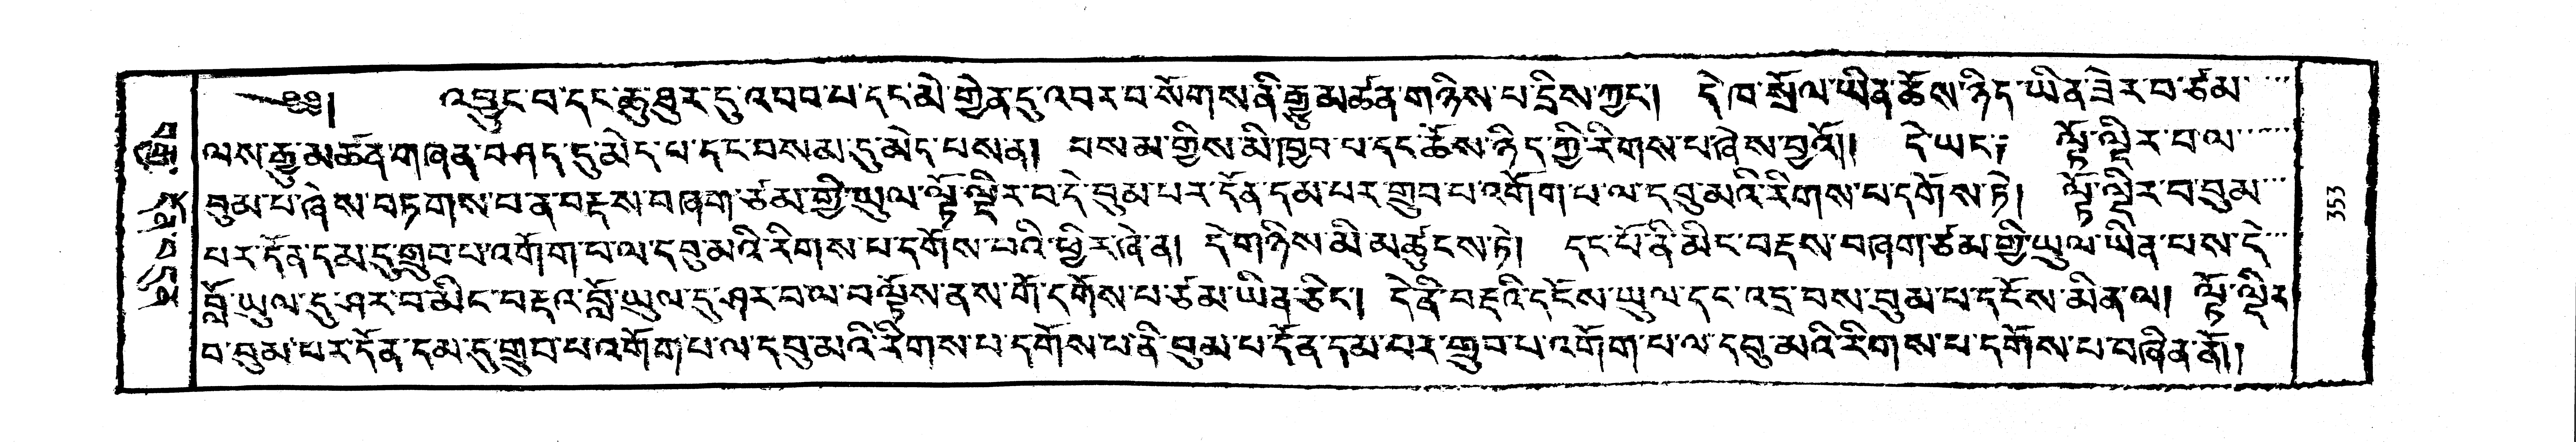༄༅། །འབྱུང་བ་དང་ཆུ་ཐུར་དུ་འབབ་པ་དང་མེ་གྱེན་དུ་འབར་བ་སོགས་ནི་རྒྱུ་མཚན་གཉིས་པ་དྲིས་ཀྱང་། དེ་ཁ་སྲོལ་ཡིན་ཆོས་ཉིད་ཡིན་ཟེར་བ་ཙམ་
ལས་རྒྱུ་མཚན་གཞན་བཤད་དུ་མེད་པ་དང་བསམ་དུ་མེད་པས་ན། བསམ་གྱིས་མི་ཁྱབ་པ་དང་ཆོས་ཉིད་ཀྱི་རིགས་པ་ཞེས་བྱའོ།། དེ་ཡང༑ ལྟོ་ལྡིར་བ་ལ་
བུམ་པ་ཞེས་བཏགས་པ་ན་བརྡས་བཞག་ཙམ་གྱི་ཡུལ་ལྟོ་ལྡིར་བ་དེ་བུམ་པར་དོན་དམ་པར་གྲུབ་པ་འགོག་པ་ལ་དབུ་མའི་རིགས་པ་དགོས་ཏེ། ལྟོ་ལྡིར་བ་བུམ་
པར་དོན་དམ་དུ་གྲུབ་པ་འགོག་པ་ལ་དབུ་མའི་རིགས་པ་དགོས་པའི་ཕྱིར་ཞེ་ན། དེ་གཉིས་མི་མཚུངས་ཏེ། དང་པོ་ནི་མིང་བརྡས་བཞག་ཙམ་གྱི་ཡུལ་ཡིན་པས་དེ་
བློ་ཡུལ་དུ་ཤར་བ་མིང་བརྡའ་བློ་ཡུལ་དུ་ཤར་བ་ལ་བལྟོས་ནས་གོ་དགོས་པ་ཙམ་ཡིན་ཅིང་། དེ་ནི་བརྡའི་དངོས་ཡུལ་དང་འདྲ་བས་བུམ་པ་དངོས་མིན་ལ། ལྟོ་ལྡིར་
བ་བུམ་པར་དོན་དམ་དུ་གྲུབ་པ་འགོག་པ་ལ་དབུ་མའི་རིགས་པ་དགོས་པ་ནི་བུམ་པ་དོན་དམ་པར་གྲུབ་པ་འགོག་པ་ལ་དབུ་མའི་རིགས་པ་དགོས་པ་བཞིན་ནོ།།